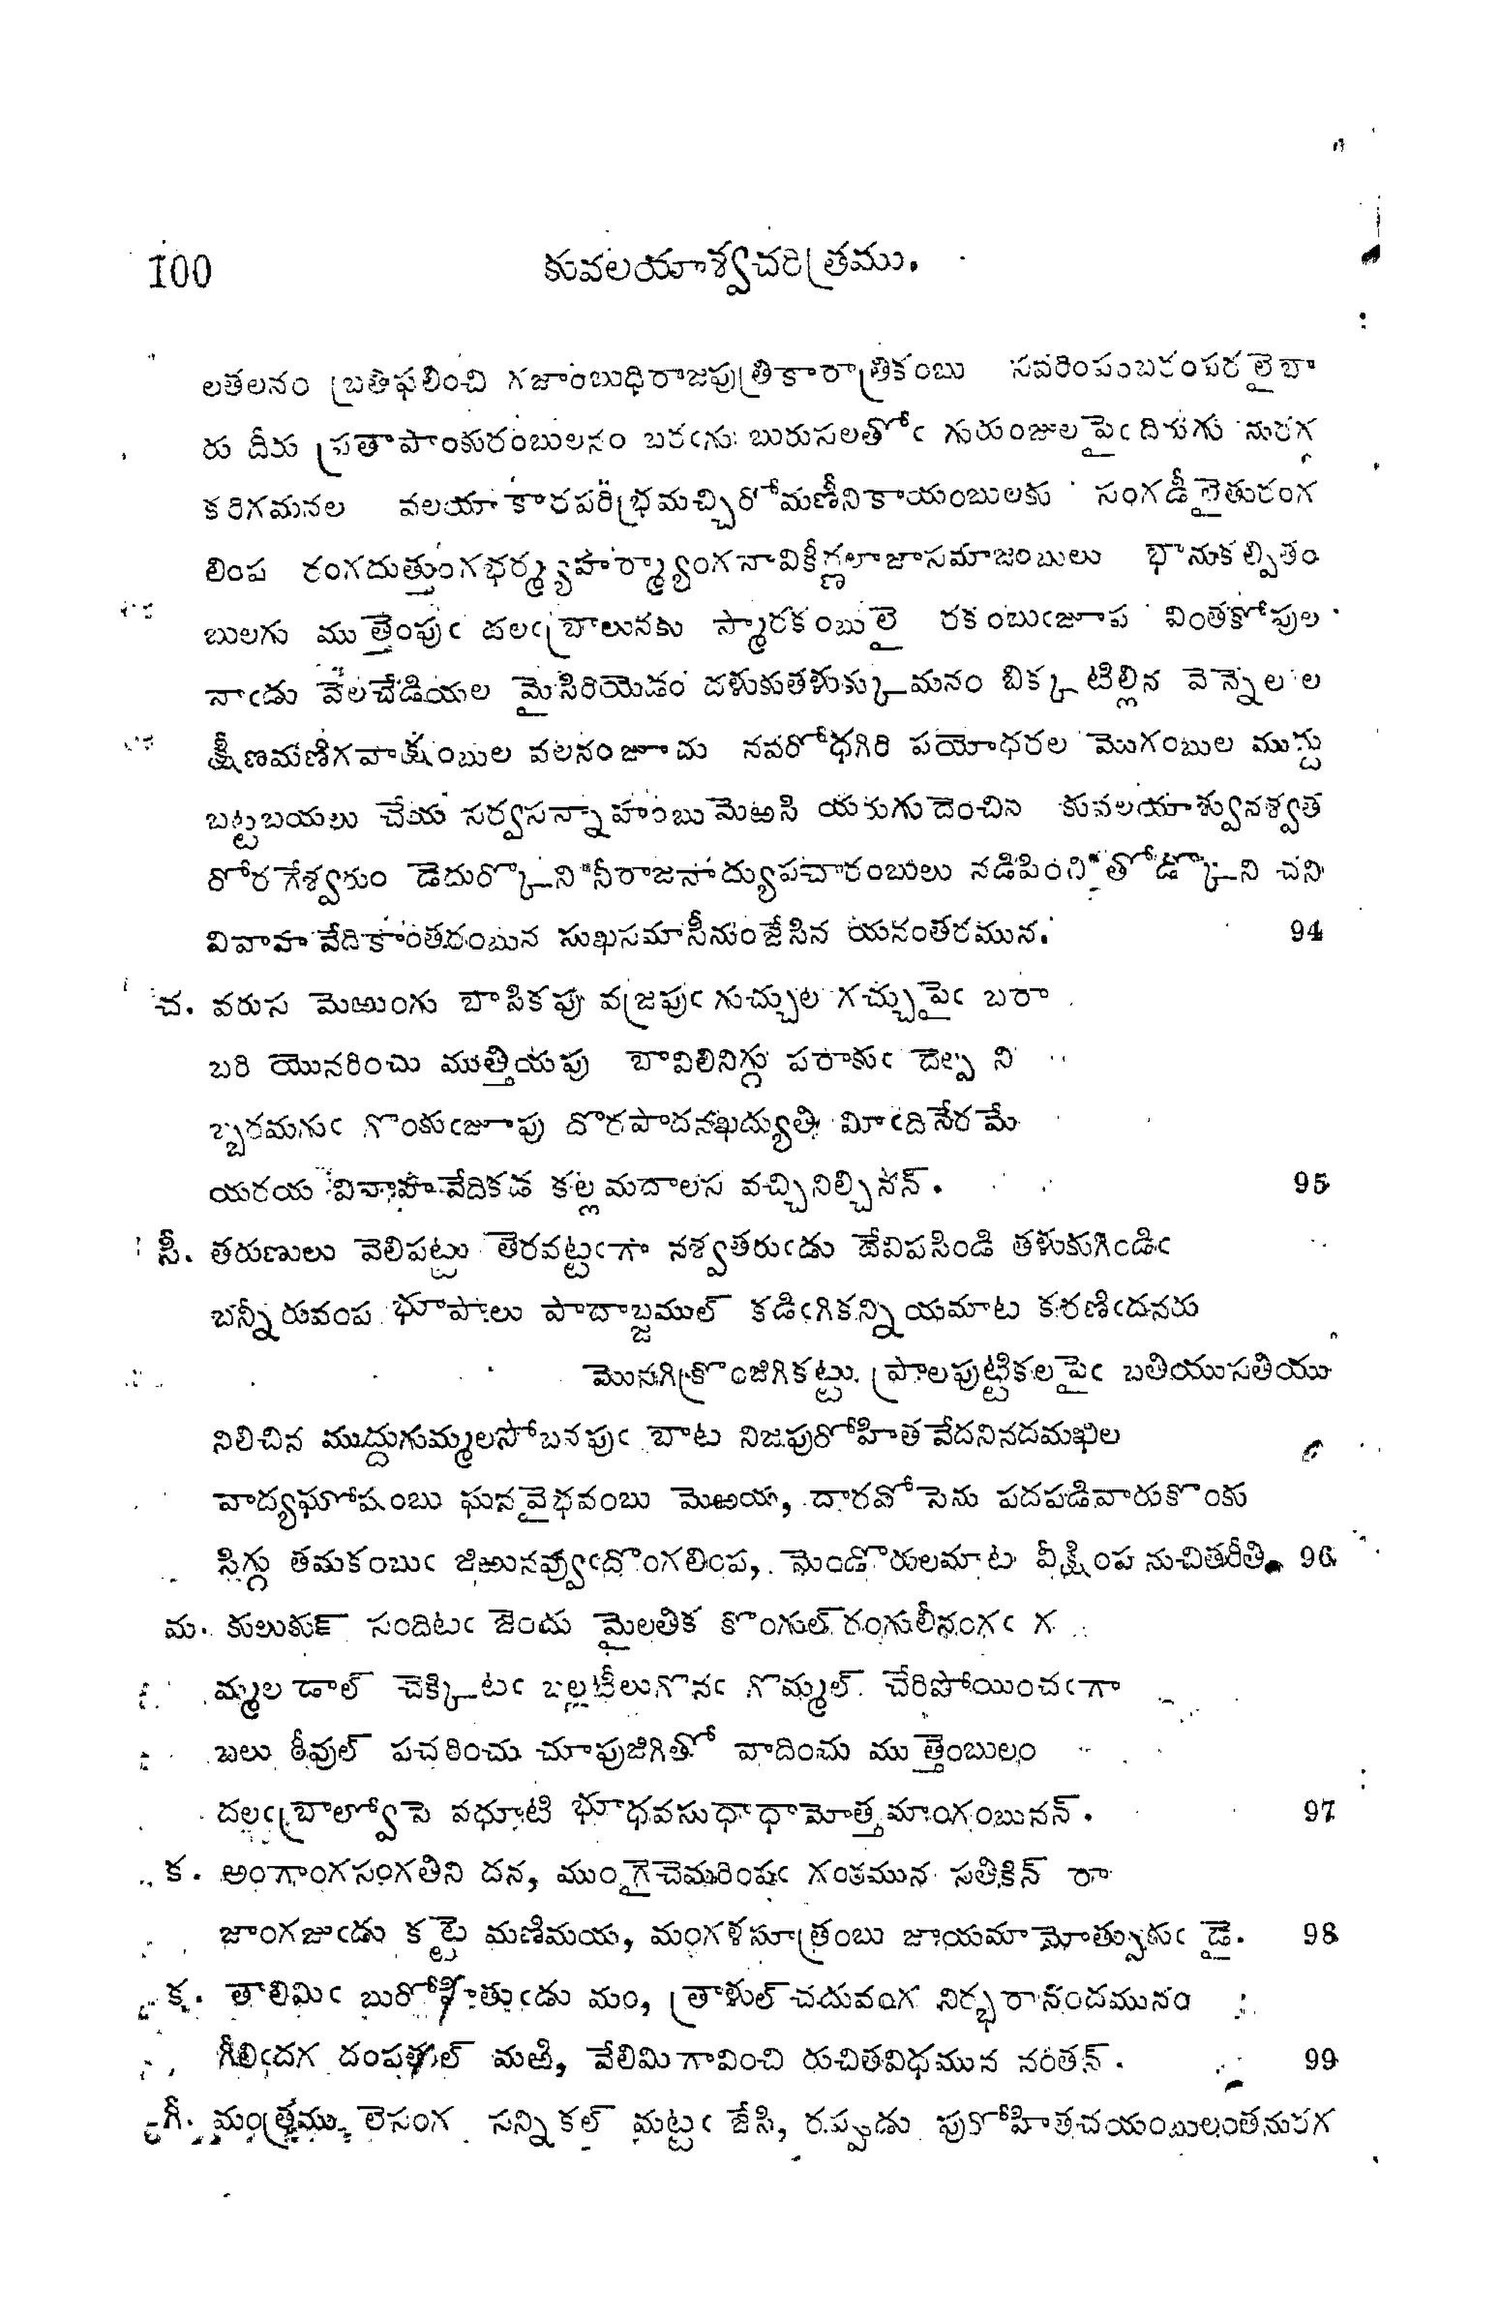లతలనం బ్రతిఫలించి గజాంబుధిరాజపుత్రికారాత్రికంబు సవరింపం బరంపరలై బా
రు దీరు ప్రతాపాంకురంబులనం బరఁగుఁ బురుసలతోఁ గురుంజులపైఁ దిరుగు నురగ
కరిగమనల వలయాకారపరిభ్రమచ్చిరోమణీనికాయంబులకు సంగడీలై తురంగ
లింప రంగదుత్తుంగభర్మ్యహర్మ్యాంగనావికీర్ణలాజాసమాజంబులు భానుకల్పితం
బులగు ముత్తెంపుఁ దలఁబ్రాలునకు స్మారకంబులై రకంబుఁ జూప వింతకోపుల
నాఁడు వెలచేడియల మైసిరియెడం దళుకుతళుక్కుమనం బిక్కటిల్లిన వెన్నెలల
క్షీణమణిగవాక్షంబులవలనం జూచు నవరోధగిరి పయోధరల మొగంబుల ముద్దు
బట్టబయలు చేయ సర్వసన్నాహంబు మెఱసి యరుగుదెంచిన కువలయాశ్వు నశ్వత
రోరగేశ్వరుం డెదుర్కొని నీరాజనాద్యుపచారంబులు నడిపించి తోడ్కొని చని
వివాహవేదికాంతరంబున సుఖసమాసీనుం జేసిన యనంతరమున.
చ. వరుస మెఱుంగు బాసికపు వజ్రపుఁ గుచ్చుల గచ్చుపైఁ బరా
బరి యొనరించు ముత్తియపు బావిలినిగ్గు పరాకుఁ దెల్ప ని
బ్బరమగుఁ గొంకుఁజూపు దొరపాదనఖద్యుతిమీఁది నేర మే
యరయ వివాహవేదికడ కల్ల మదాలస వచ్చినిల్చినన్.
సీ. తరుణులు వెలిపట్టు తెరవట్టఁగా నశ్వతరుఁడు దేవిపసిండి తళుకుగిండిఁ
బన్నీరు వంప భూపాలు పాదాబ్జముల్ కడిఁగి కన్నియమాట కరణిఁ దనరు
...........................మొసగి క్రొంజిగికట్టు, ప్రాలపుట్టికలపైఁ బతియు సతియు
నిలిచిన ముద్దుగుమ్మల సోబనపుఁబాట నిజపురోహితవేదనినద మఖిల
వాద్యఘోషంబు ఘనవైభవంబు మెఱయ, దారవోసెను పదపడి వారుకొంకు
సిగ్గు తమకంబుఁ జిఱునవ్వుఁ దొంగలింప, నొండొరులమాట వీక్షింప నుచితరీతి.
మ. కులుకున్ సందిటఁ జెందు మైలతిక కొంగల్ రంగులీనంగఁ గ
మ్మలడాల్ చెక్కిటఁ బల్లటీలు గొనఁ గొమ్మల్ చేరి పోయించఁగా
బలుఠీవుల్ పచరించు చూపుజిగితో వాదించు ముత్తెంబులం
దలఁబ్రా ల్వోసె వధూటి భూధవసుధాధామోత్తమాంగంబునన్.
క. అంగాంగసంగతిని దన, ముంగై చెమరింపఁ గంఠమున సతికిన్ రా
జాంగజుఁడు కట్టె మణిమయ, మంగళసూత్రంబు జాయమామోత్సుకుఁడై.
క. తాలిమిఁ బురోహితుఁడు మం, త్రాళుల్ చదువంగ నిర్భరానందమునం
గీలిఁ దగ దంపతుల్ మఱి, వేలిమి గావించి రుచితవిధమున నంతన్.
గీ. మంత్రము లెసంగ సన్నికల్ మట్టఁజేసి, రప్పుడు పురోహితచయంబు లంత నురగ